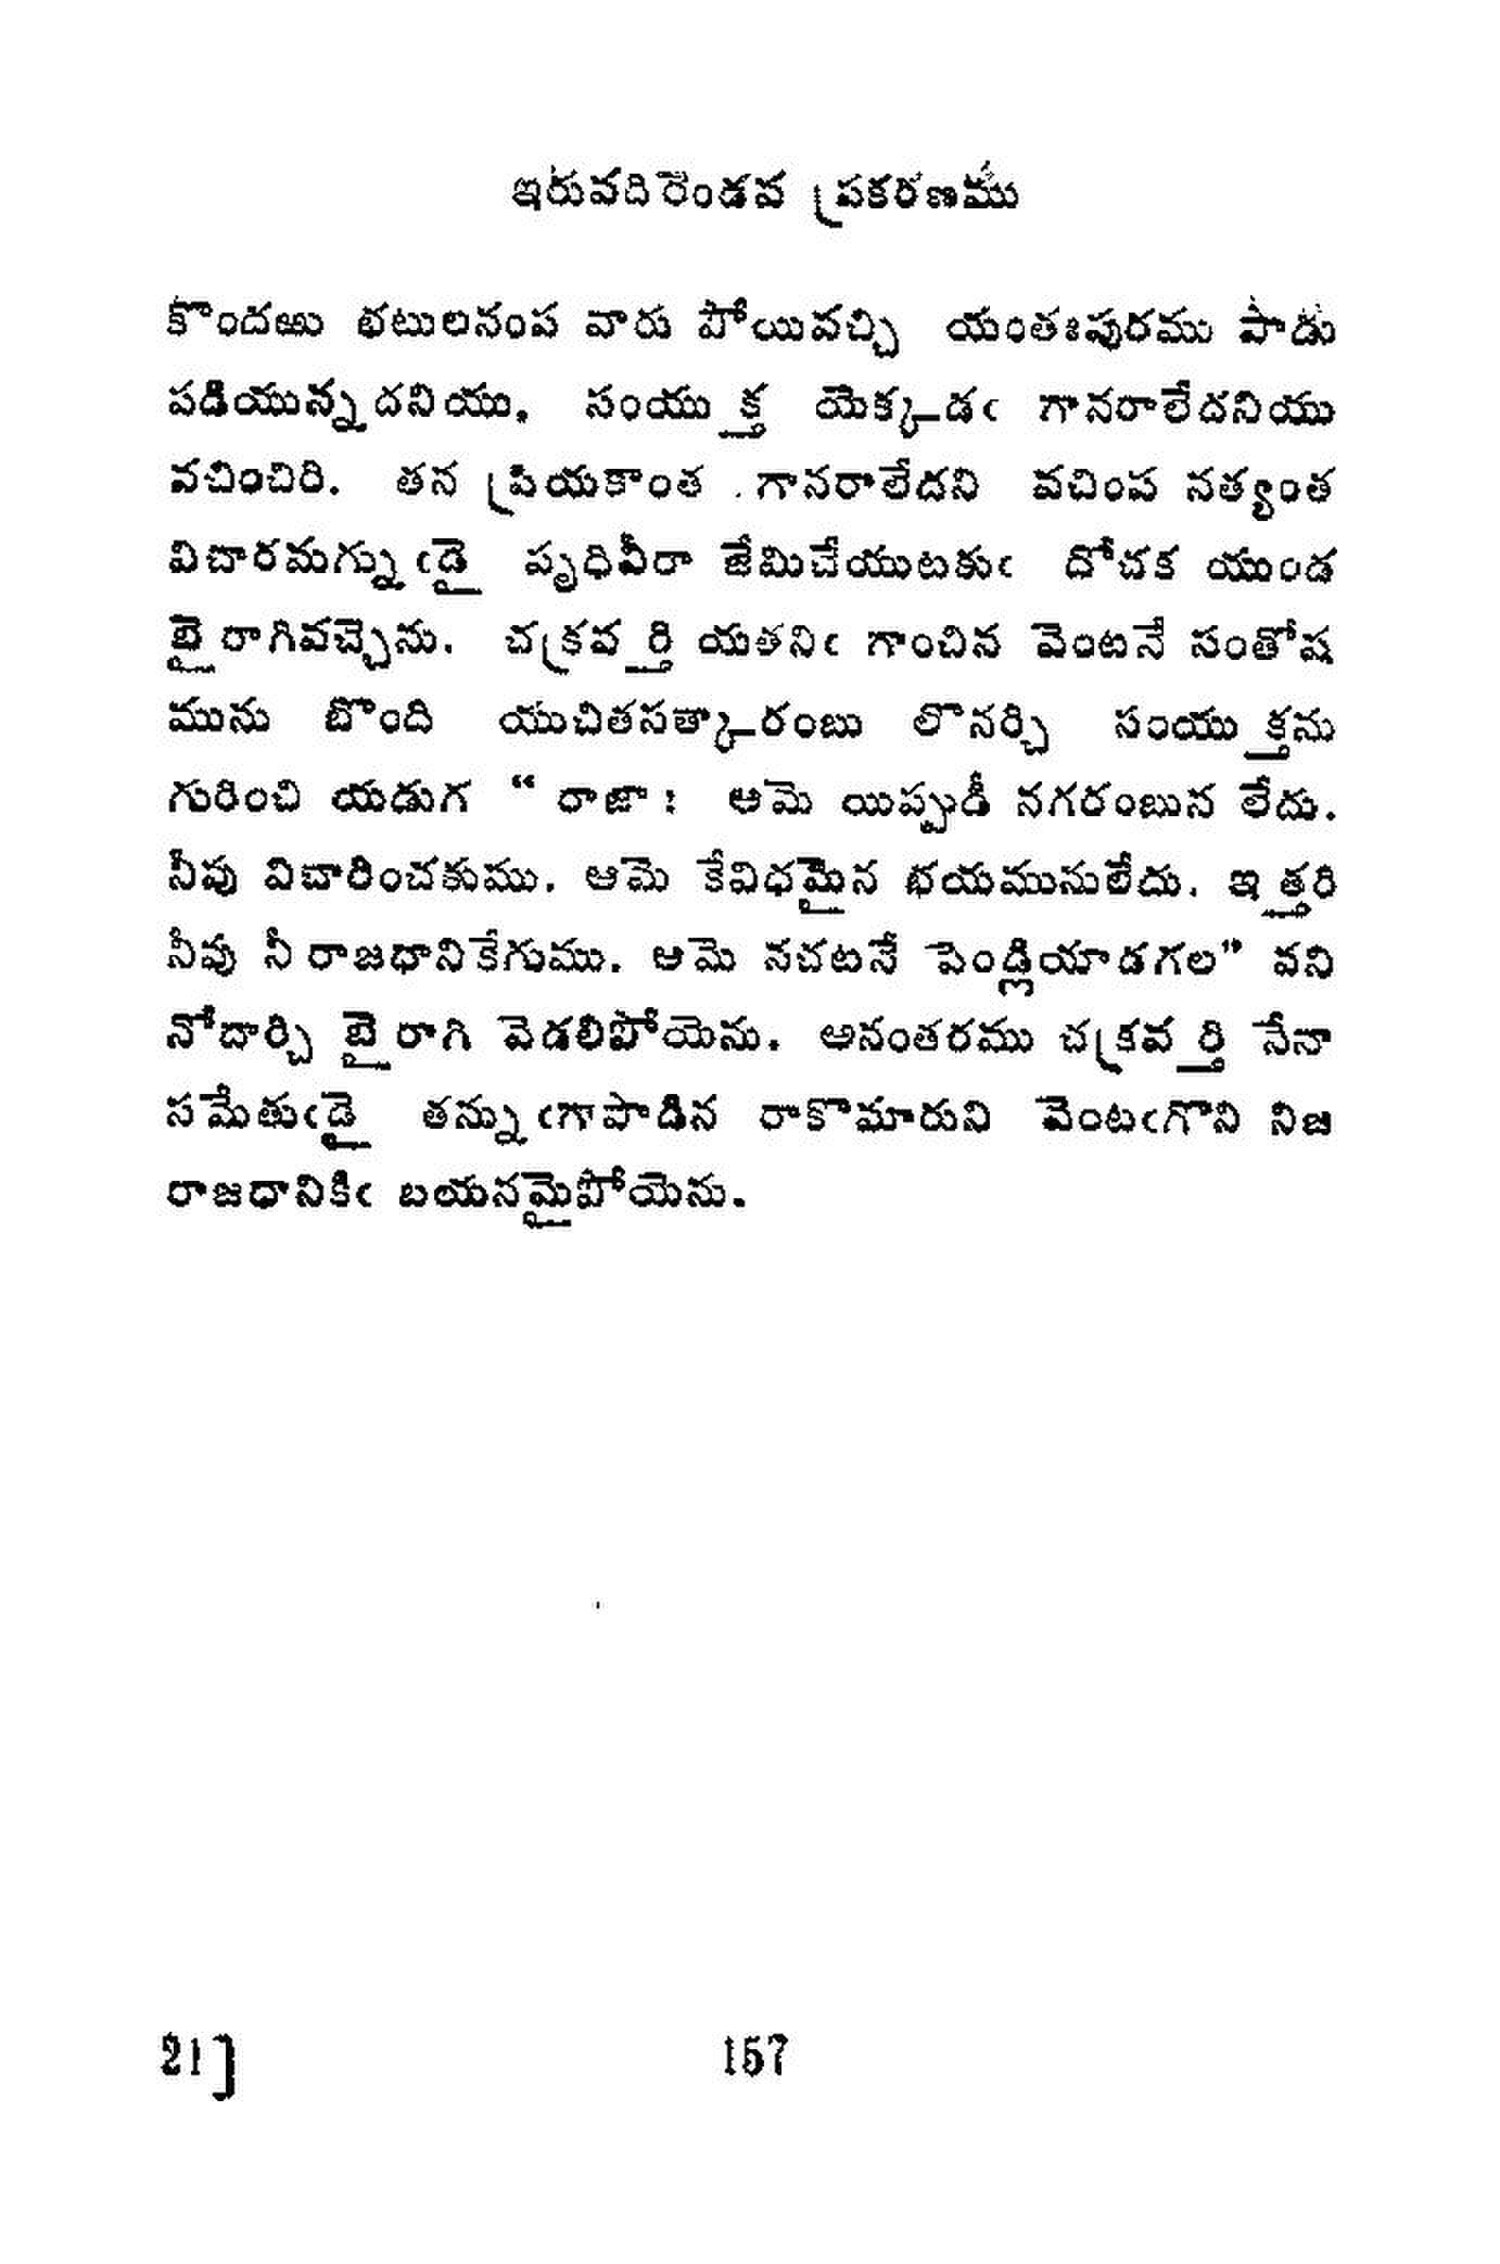కొందఱు భటులనంప వారు పోయివచ్చి యంతఃపురము పాడుపడియున్న దనియు, సంయుక్త యెక్కడఁ గానరాలేదనియు వచించిరి. తన ప్రియకాంత గానరాలేదని వచింప నత్యంత విచారమగ్నుఁడై పృధివీరా జేమిచేయుటకుఁ దోచక యుండ బైరాగివచ్చెను. చక్రవర్తి యతనిఁ గాంచిన వెంటనే సంతోషమును బొంది యుచితసత్కారంబు లొనర్చి సంయుక్తను గురించి యడుగ "రాజా ! ఆమె యిప్పుడీ నగరంబున లేదు. నీవు విచారించకుము. ఆమె కేవిధమైన భయమునులేదు. ఇత్తరి నీవు నీ రాజధానికేగుము. ఆమె నచటనే పెండ్లియాడగల" వని నోదార్చి బైరాగి వెడలిపోయెను. అనంతరము చక్రవర్తి సేనా సమేతుఁడై తన్నుఁగాపొడిన రాకొమారుని వెంటఁగొని నిజరాజధానికిఁ బయనమైపోయెను.